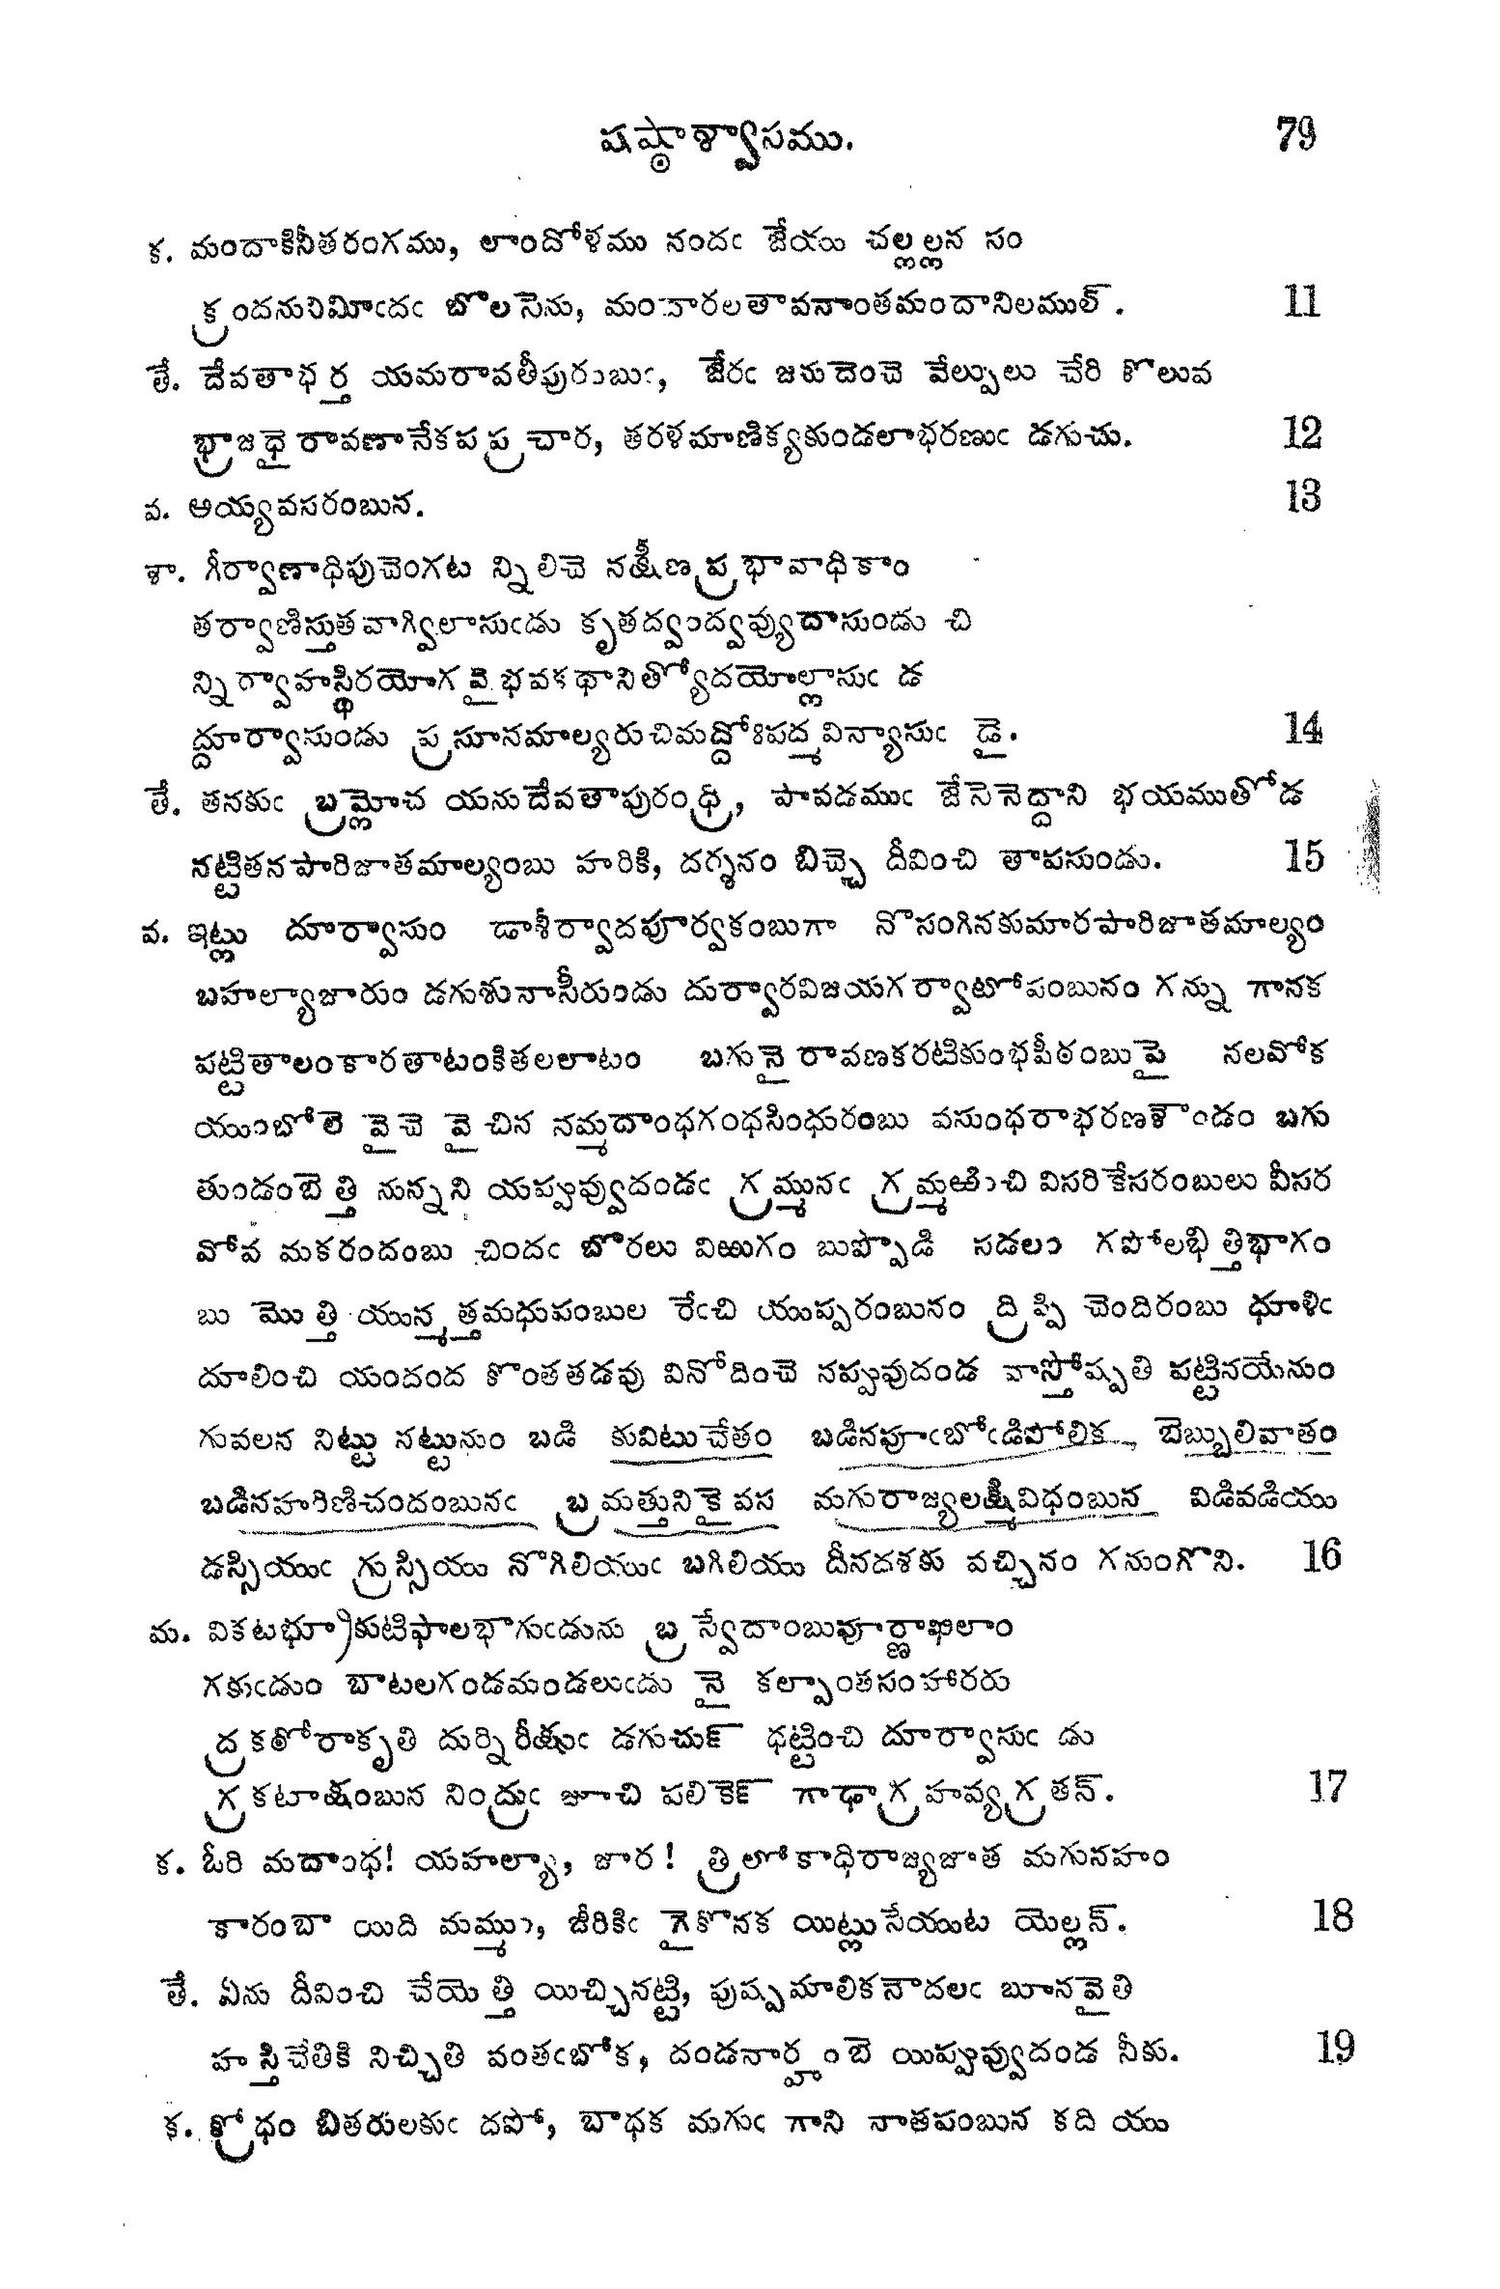క. మందాకినీతరంగము, లాందోళము నందఁ జేయు చల్లల్లన సం
కందనునిమీఁదఁ బొలసెను, మందారలతావనాంతమందానిలముల్. 11

తే. దేవతాభర్త యమరావతీపురంబుఁ, జేరఁ జను దెంచె వేల్పులు చేరి కొలువ
భ్రాజధైరావణానేకపప్రచార, తరళమాణిక్యకుండలాభరణుఁ డగుచు. 12

వ. అయ్యవసరంబున. 13

శా. గీర్వాణాధిపుచెంగట న్నిలిచె నక్షీణప్రభావాధికాం
తర్వాణిస్తుతవాగ్విలాసుఁడు కృతద్వంద్వవ్యుదాసుండు చి
న్నిర్వాహస్థిరయోగవైభవకథానిత్యోదయోల్లాసుఁ డ
ద్దూర్వాసుండు ప్రసూనమాల్యరుచిమద్దోఃపద్మవిన్యాసుఁ డై. 14

తే. తనకుఁ బ్రమ్లోచ యను దేవతాపురంధ్రి, పావడముఁ జేసెనెద్దాని భయముతోడ
నట్టితనపారిజాతమాల్యంబు హరికి, దర్శనం బిచ్చె దీవించి తాపసుండు. 15

వ. ఇట్లు దూర్వాసుం డాశీర్వాదపూర్వకంబుగా నొసంగినకుమారపారిజాతమాల్యం బహల్యాజారుం డగుశునాసీరుండు దుర్వారవిజయగర్వాటోపంబునం గన్ను గానక పట్టితాలంకారతాటంకితలలాటం బగునైరావణకరటికుంభపీఠంబుపై నలవోకయుంబోలె వైచె వైచిన నమ్మదాంధగంధసింధురంబు వసుంధరాభరణశౌండం బగు తుండం బెత్తి నున్నని యప్పువ్వుదండఁ గ్రమ్మునఁ గ్రమ్మఱించి విసరికేసరంబులు వీసరవోవ మకరందంబు చిందఁ బొరలు విఱుగం బుప్పొడి సడలం గపోలభిత్తిభాగంబు మొత్తి యున్మత్తమధుపంబుల రేఁచి యుప్పరంబునం ద్రిప్పి చెందిరంబు ధూళిఁ దూలించి యందంద కొంతతడవు వినోదించె నప్పువుదండ వాస్తోష్పతి పట్టినయేనుంగువలన నిట్టు నట్టునుం బడి కువిటుచేతం బడినపూఁబోఁడిపోలిక బెబ్బులివాతం బడినహరిణిచందంబునఁ బ్రమత్తునికైవస మగురాజ్యలక్ష్మివిధంబున విడివడియు డస్సియుఁ గ్రుస్సియు నొగిలియుఁ బగిలియు దీనదశకు వచ్చినం గనుంగొని. 16

మ. వికటభ్రూకుటిఫాలభాగుఁడును బ్రస్వేదాంబుపూర్ణాఖిలాం
గకుఁడుం బాటలగండమండలుఁడు నై కల్పాంతసంహారరు
ద్రకఠోరాకృతి దుర్నిరీక్షుఁ డగుచున్ ధట్టించి దూర్వాసుఁ డు
గ్రకటాక్షంబున నింద్రుఁ జూచి పలికెన్ గాఢాగ్రహవ్యగ్రతన్. 17

క. ఓరి మదాంధ! యహల్యా, జార! త్రిలోకాధిరాజ్యజాత మగునహం
కారంబా యిది మమ్ముం, జీరికిఁ గైకొనక యిట్లుసేయుట యెల్లన్. 18

తే. ఏను దీవించి చేయెత్తి యిచ్చినట్టి, పుష్పమాలికనౌదలఁ బూనవైతి
హస్తిచేతికి నిచ్చితి వంతఁబోక , దండనార్హంబె యిప్పువ్వుదండ నీకు. 19

క. క్రోధం బితరులకుఁ దపో, బాధక మగుఁ గాని నాతపంబున కది యు